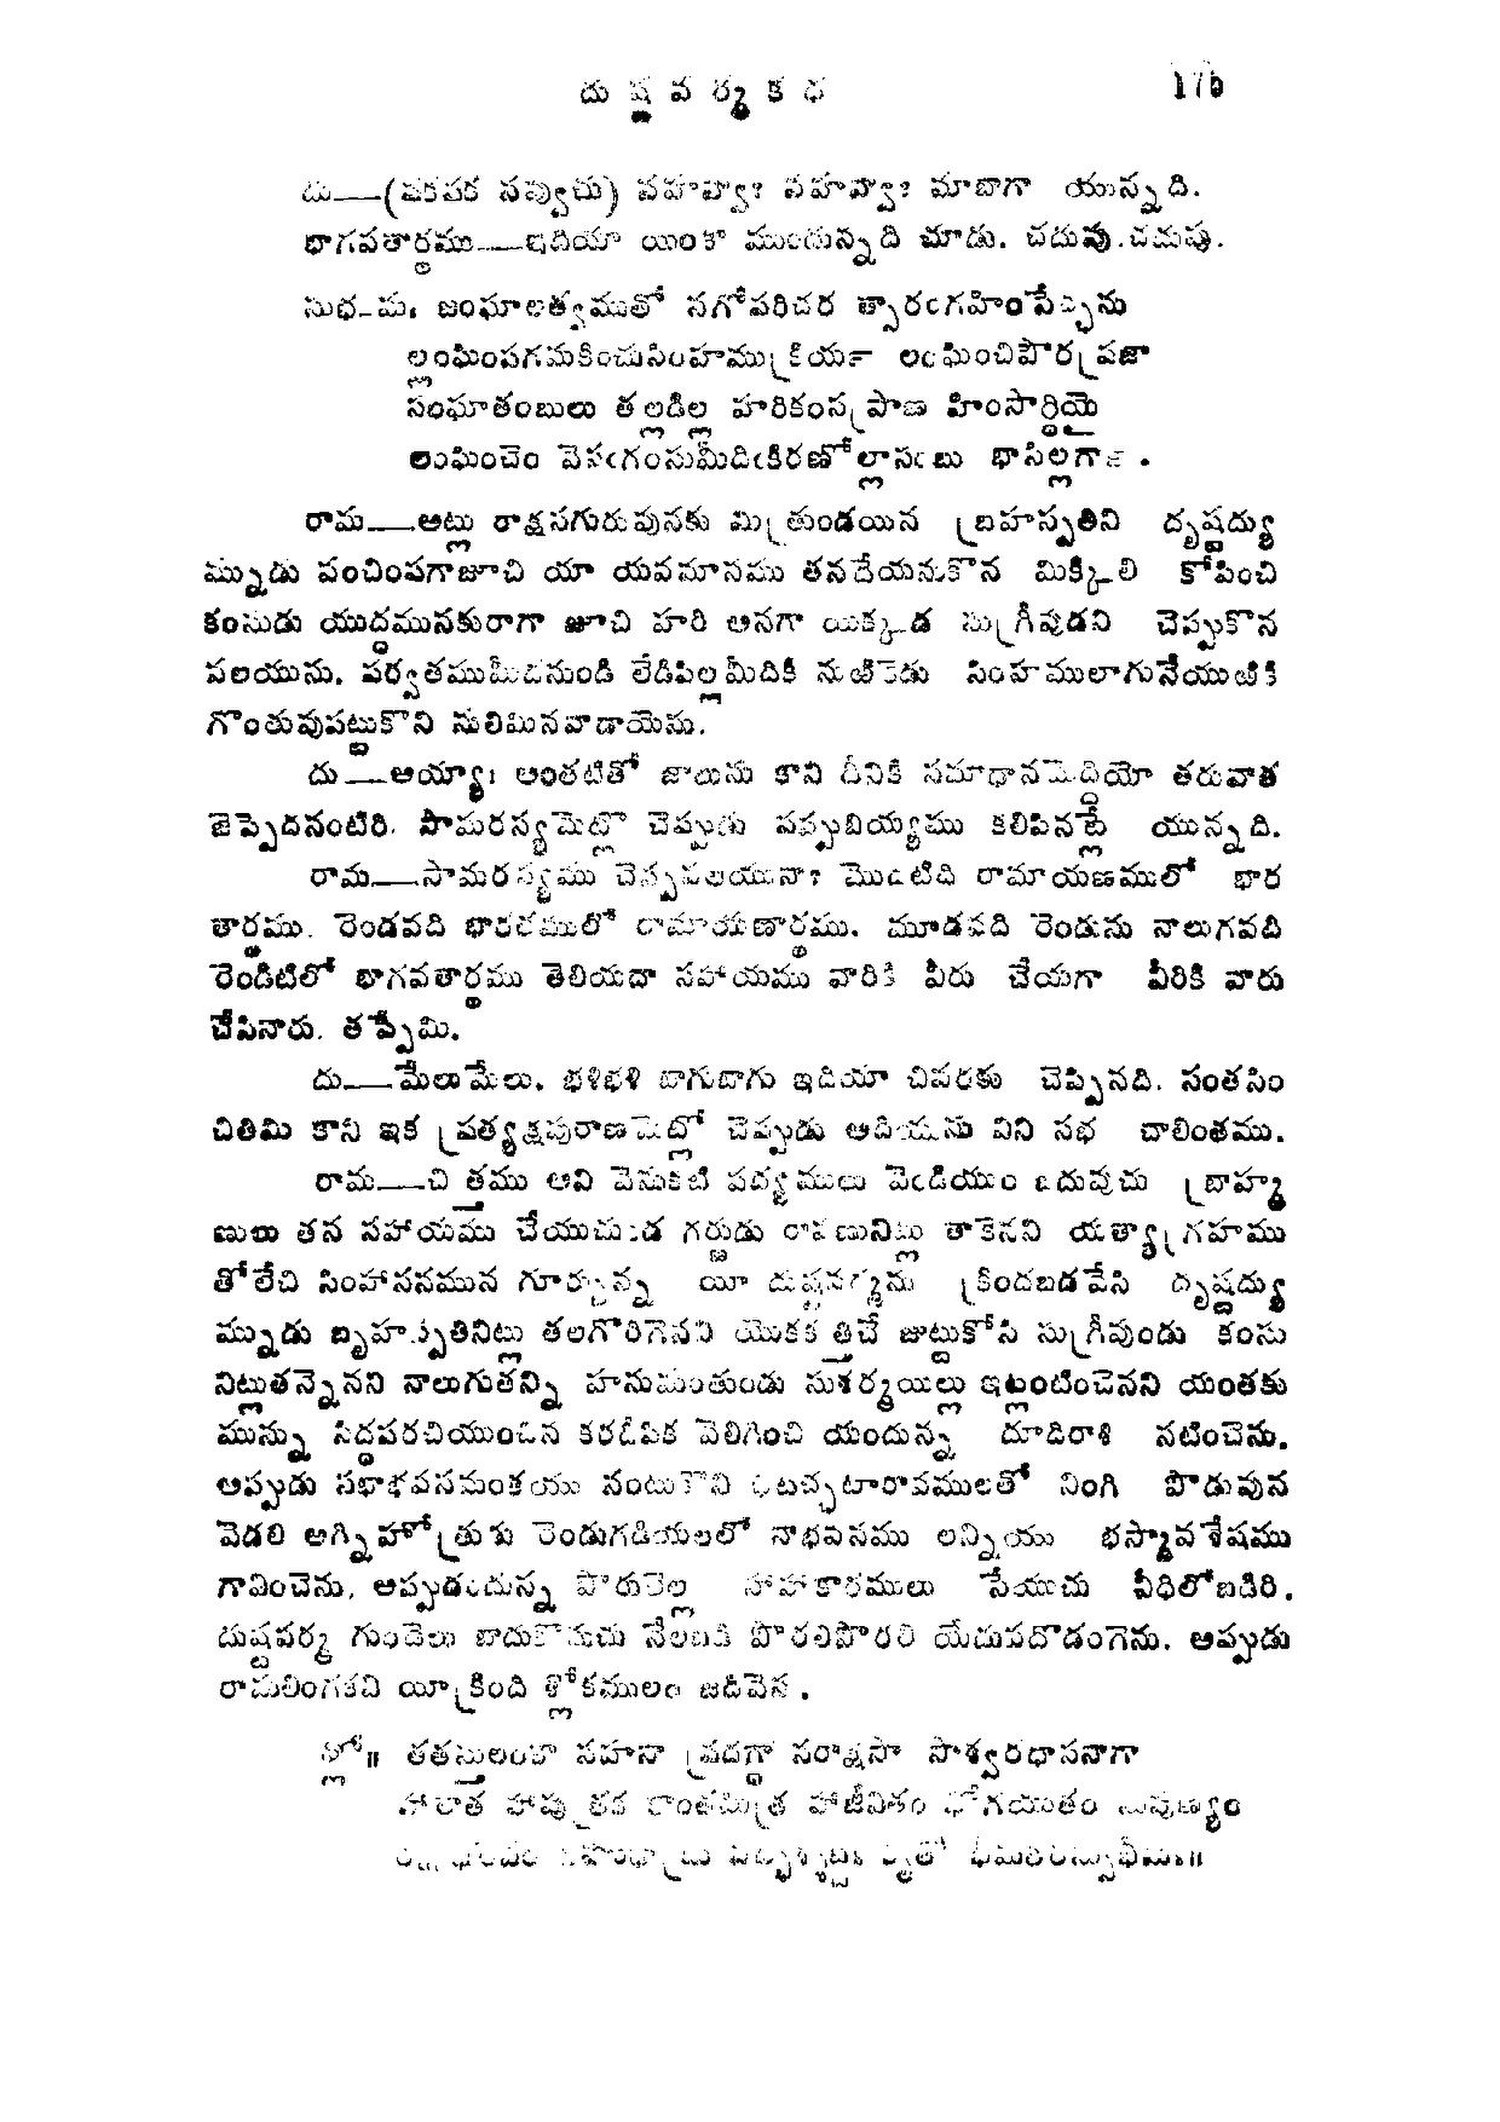దు -- (పకపక నవ్వుచు) వహవ్వా? వహవ్వా? మాబాగా యున్నది. భాగవతార్థము - ఇదియా యింకా ముందున్నది చూడు. చదువు. చదువు.

సుభ - మ. జంఘాలత్వముతో నగోపరిచర త్సారంగహింసేచ్ఛను
 ల్లంఘింపగమకించుసింహము క్రియన్ లంఘించిపౌరప్రజా
 సంఘాతంబులు తల్లడిల్ల హరికంసప్రాణ హింసార్దియై
 లంఘించెం వెసఁగంసుమీదిఁకిరణోల్లాసంబు భాసిల్లగాన్.
రామ - అట్లు రాక్షసగురువునకు మిత్రుండయిన బ్రహస్పతిని దృష్టద్యుమ్నుడు వంచింపగాజూచి యా యవమానము తనదేయనుకొన మిక్కిలి కోపించి కంసుడు యుద్ధమునకురాగా జూచి హరి అనగా యిక్కడ సుగ్రీవుడని చెప్పుకొన వలయును, పర్వతముమీదనుండి లేడిపిల్లమీదికి నుఱికెడు సింహములాగునేయుఱికి గొంతువుపట్టుకొని నులిమినవాడాయెను.

దు - అయ్యా! అంతటితో జాలును కాని దీనికి సమాధానమెద్దియో తరువాత జెప్పెదనంటిరి. సామరస్యమెట్లో చెప్పుడు పప్పుబియ్యము కలిపినట్లే యున్నది.

రామ - సామరస్యము చెప్పవలయునా ? మొదటిది రామాయణములో భారతార్థము. రెండవది భారతములో రామాయణార్థము. మూడవది రెండును నాలుగవది రెండిటిలో భాగవతార్థము తెలియదా సహాయము వారికి వీరు చేయగా వీరికి వారు చేసినారు. తప్పేమి.

దు - మేలుమేలు. భళిభళి బాగుబాగు ఇదియా చివరకు చెప్పినది. సంతసించితిమి కాని ఇక ప్రత్యక్షపురాణమెట్లో చెప్పుడు అదియును విని సభ చాలింతము.

రామ - చిత్తము అని వెనుకటి పద్యములు వెండియుం జదువుచు బ్రాహ్మణులు తన సహాయము చేయుచుండ గర్ణుడు రావణు నిట్లు తాకెనని యత్యాగ్రహముతో లేచి సింహాసనమున గూర్చున్న యీ దుష్టవర్మను క్రిందబడవేసి దృష్టద్యుమ్నుడు బృహస్పతి నిట్లు తలగొరిగెనని యొకకత్తిచే జుట్టుకోసి సుగ్రీవుండు కంసు నిట్లు తన్నెనని నాలుగు తన్ని హనుమంతుండు సుశర్మయిల్లు ఇట్లంటించెనని యంతకు మున్ను సిద్దపరచియుంచిన కరదీపిక వెలిగించి యందున్న దూదిరాశి నటించెను.
అప్పుడు సభాభవనమంతయు నంటుకొని ఛటచ్ఛటారావములతో నింగి పొడువున వెడలి అగ్నిహోత్రుడు రెండుగడియలలో నాభవనము లన్నియు భస్మావశేషము గావించెను. అప్పుడందున్న పౌరులెల్ల నాహాకారములు సేయుచు వీధిలోబడిరి. దుష్టవర్మ గుండెలు బాదుకొనుచు నేలబడి పొరలిపొరలి యేడువదొడంగెను. అప్పుడు రామలింగకవి యీక్రింది శ్లోకములం జదివెను.

శ్లో॥ తతస్తులంకా సహనా ప్రదగ్ధా నరాక్షసా సాశ్వరధాసనాగా
 హాతాత హాపుత్రక కాంతమిత్ర హాజీవితం భోగయుతం సుపుణ్యం
 ---------- సహంధాబ్రు సద్భశ్శబ్దః కృతో భీమతతస్సుభీమః॥